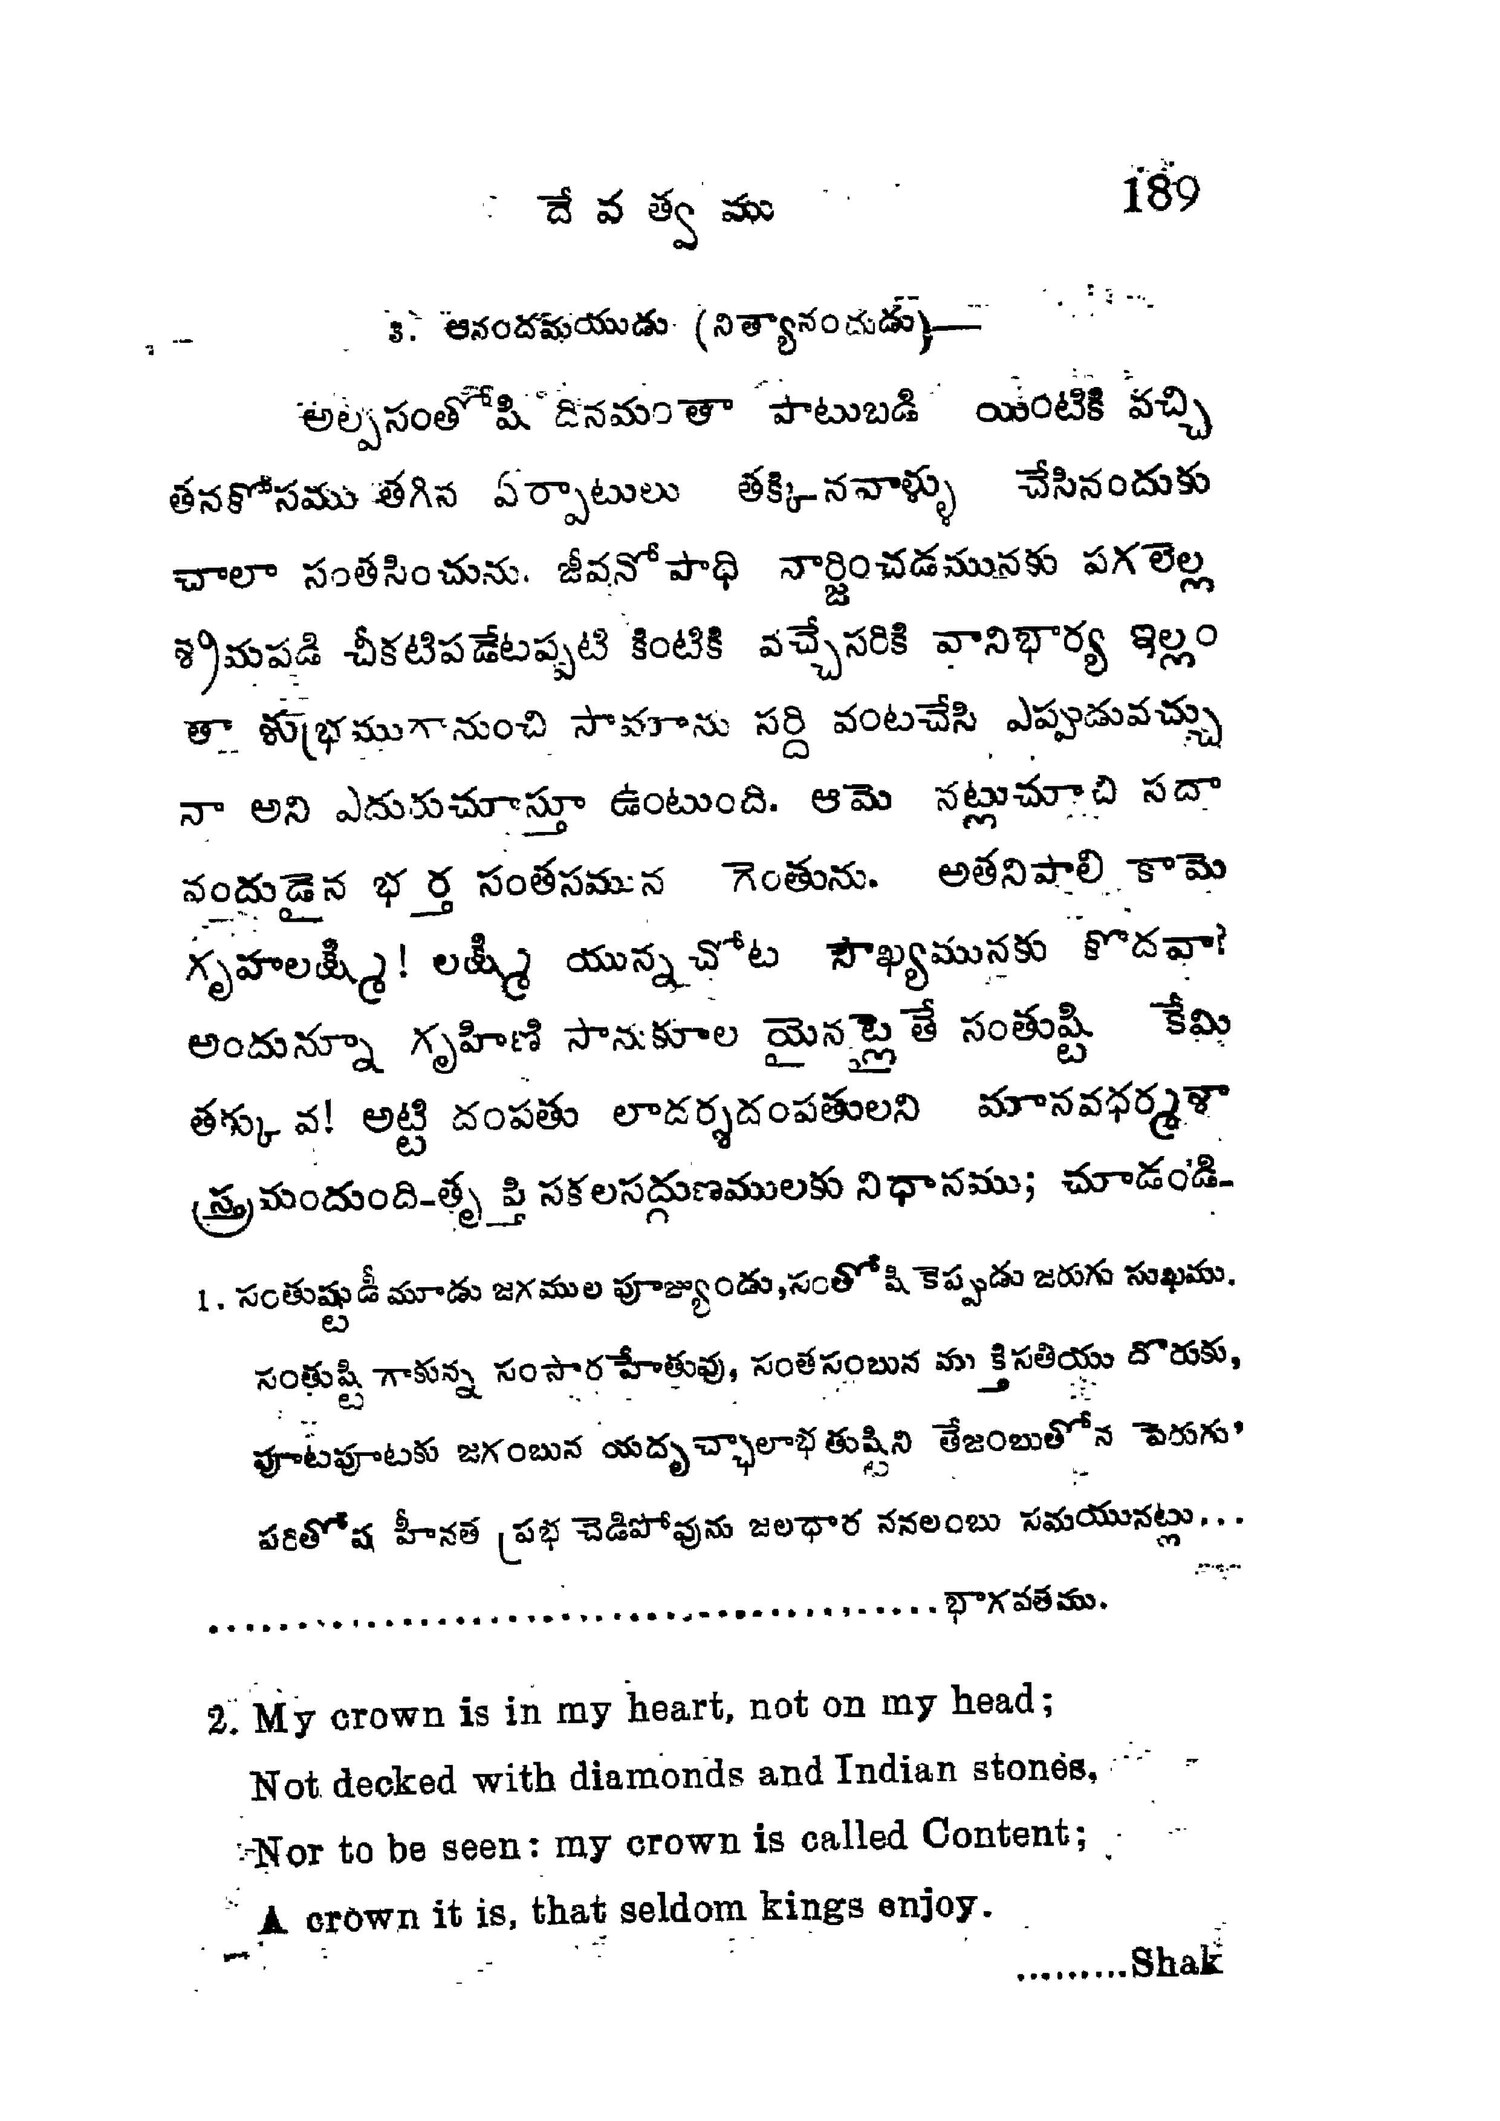అల్పసంతోషి దినమంతా పాటుబడి యింటికి వచ్చి తనకోసము తగిన ఏర్పాటులు తక్కినవాళ్ళు చేసినందుకు చాలా సంతసించును. జీవనోపాధి నార్జించడమునకు పగలెల్ల శ్రమపడి చీకటిపడేటప్పటి కింటికి వచ్చేసరికి వానిభార్య ఇల్లంతా శుభ్రముగానుంచి సామాను సర్ది వంటచేసి ఎప్పుడువచ్చునా అని ఎదురుచూస్తూ ఉంటుంది. ఆమె నట్లుచూచి సదానందుడైన భర్త సంతసమున గెంతును. అతనిపాలి కామె గృహలక్ష్మి! లక్ష్మి యున్న చోట సౌఖ్యమునకు కొదవా? అందున్నూ గృహిణి సానుకూల యైనట్లైతే సంతుష్టి కేమి తక్కువ! అట్టి దంపతు లాదర్శదంపతులని మానవధర్మశాస్త్రమందుంది - తృప్తి సకలసద్గుణములకు నిధానము; చూడండి.

 1. సంతుష్టుడీ మూడు జగముల పూజ్యుండు, సంతోషి కెప్పుడు జరుగు సుఖము.
 సంతుష్టి గాకున్న సంసారహేతువు, సంతసంబున ముక్తిసతియు దొరుకు,
 పూటపూటకు జగంబున యదృచ్ఛాలాభ తుష్టిని తేజంబుతోన పెరుగు
 పరితోష హీనత ప్రభ చెడిపోవును జలధార ననలంబు సమయునట్లు.....
 ..................................................................భాగవతము.

 2. My crown is in my heart, not on my head;
 Not decked with diamonds and Indian stones.
 Nor to be seen ː my crown is called Content;
 A crown it is, that seldom kings enjoy.
 ....................Shak